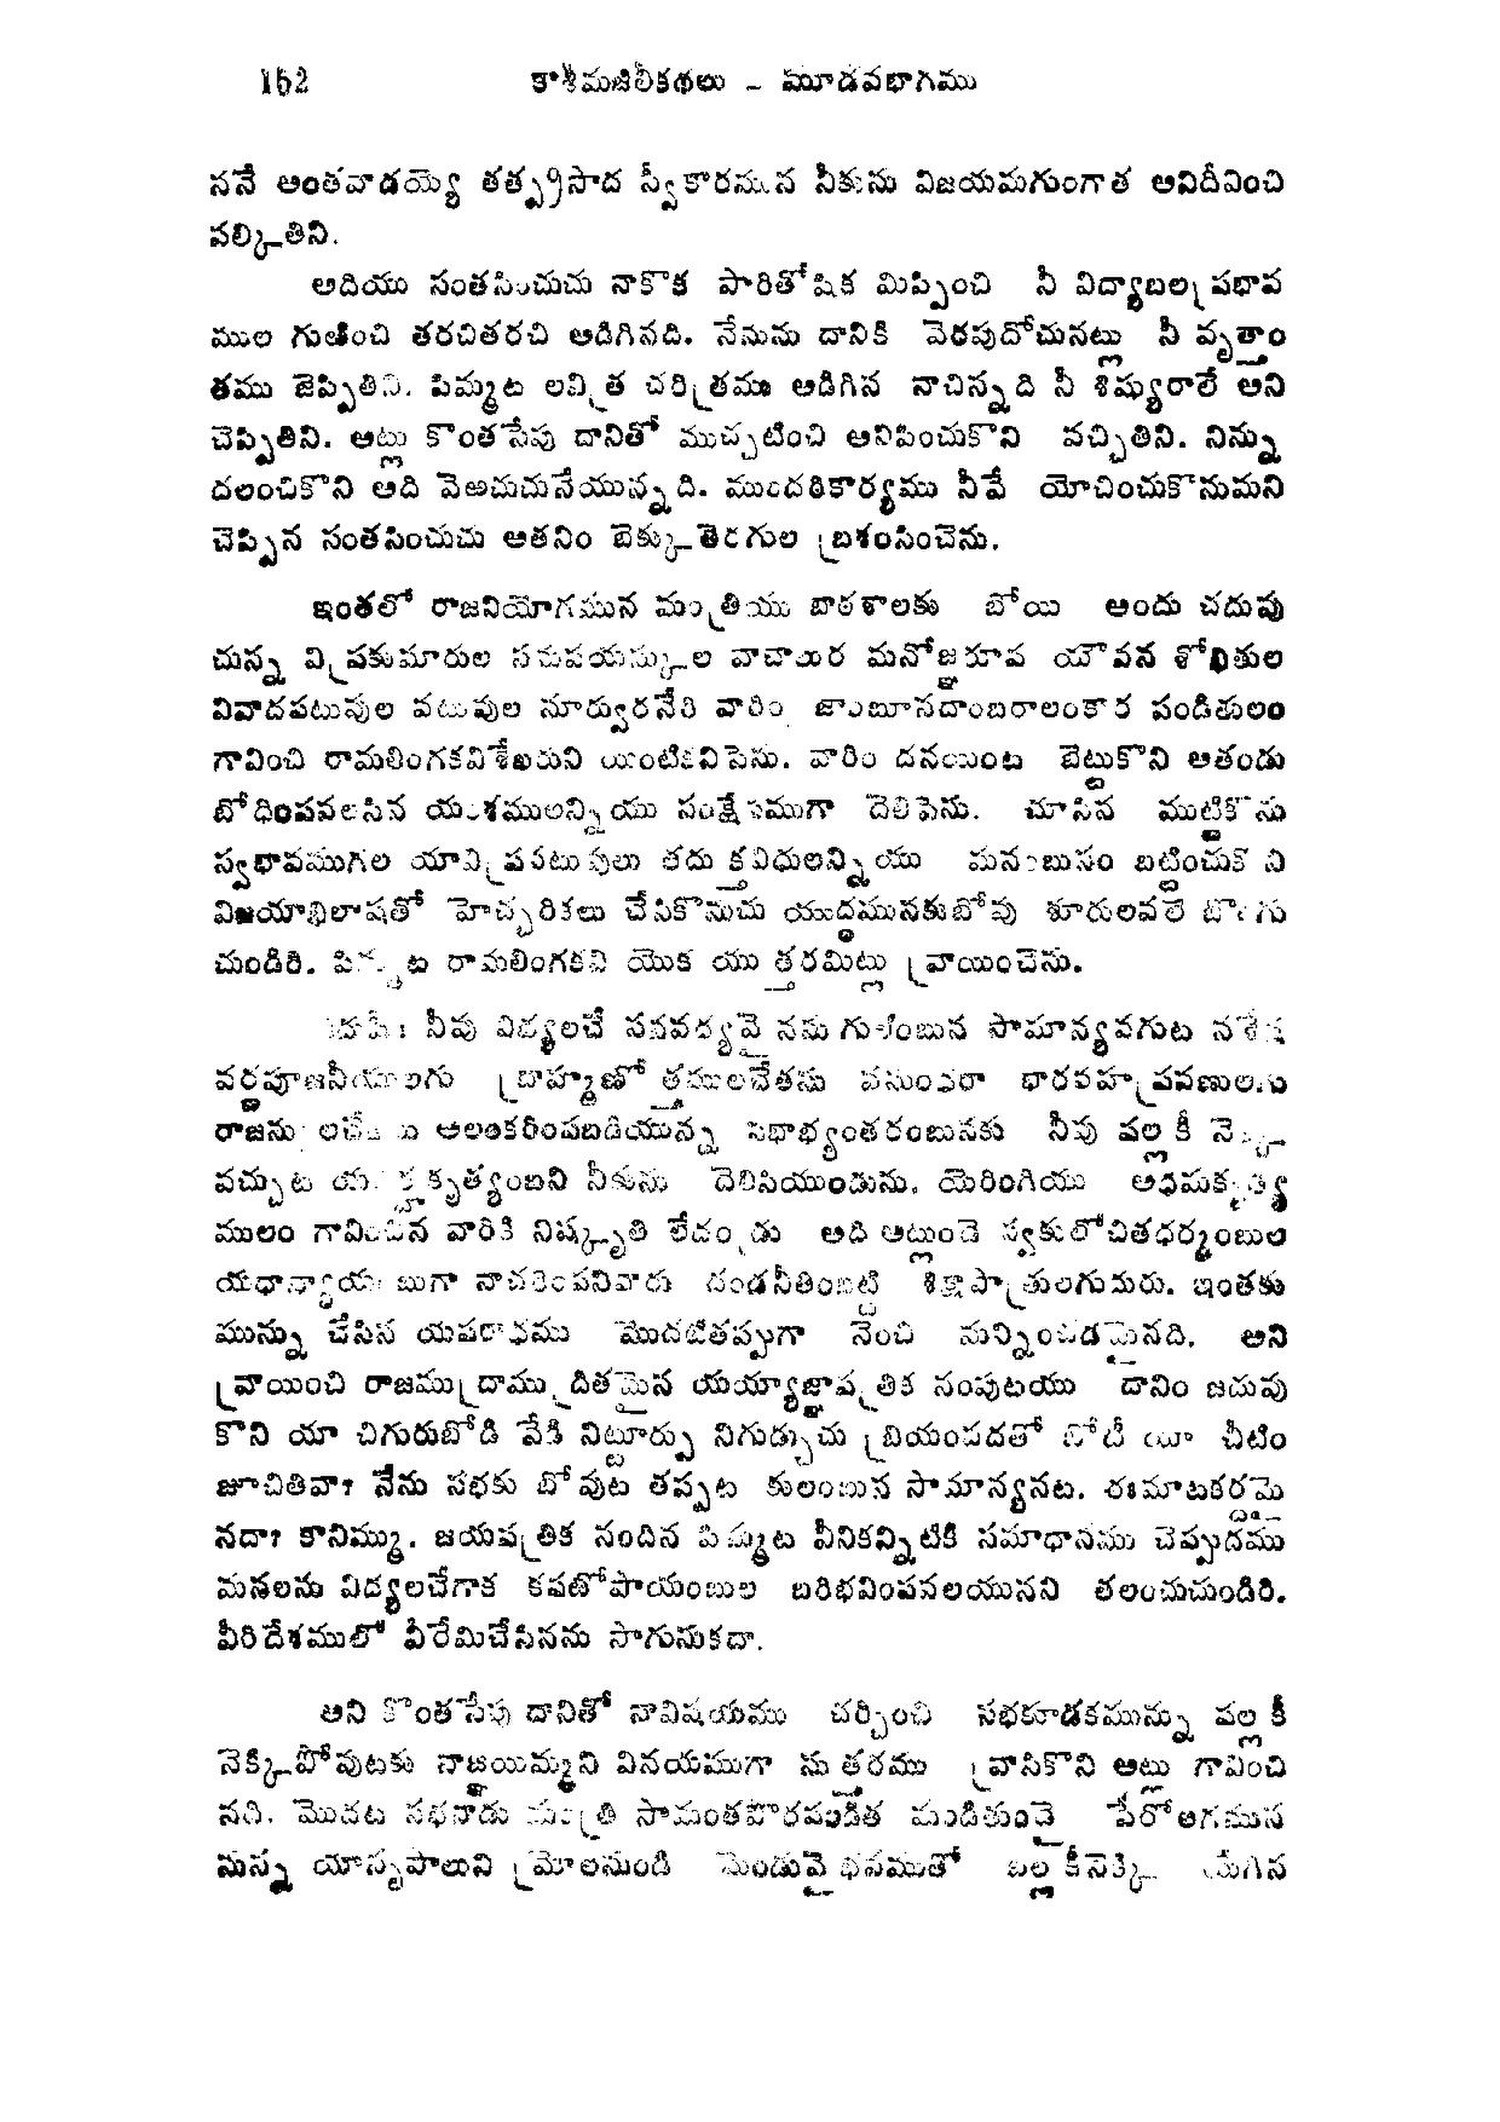ననే అంతవాడయ్యె తత్ప్రసాదస్వీకారమున నీకును విజయమగుంగాత అని దీవించి పల్కితిని.

అదియు సంతసించుచు నాకొక పారితోషిక మిప్పించి నీ విద్యాబలప్రభావముల గుఱించి తరచితరచి అడిగినది. నేనును దానికి వెరపుదోచునట్లు నీ వృత్తాంతము జెప్పితిని. పిమ్మట లవిత్ర చరిత్రము అడిగిన నాచిన్నది నీ శిష్యురాలే అని చెప్పితిని. ఆట్లు కొంతసేపు దానితో ముచ్చటించి అనిపించుకొని వచ్చితిని. నిన్ను దలంచికొని అది వెఱచుచునేయున్నది. ముందరికార్యము నీవే యోచించుకొనుమని
చెప్పిన సంతసించుచు ఆతనిం బెక్కు తెరగుల బ్రశంసించెను.

ఇంతలో రాజనియోగమున మంత్రియు బాఠశాలకు బోయి అందు చదువుచున్న విప్రకుమారుల సమవయస్కుల వాచాలుర మనోజ్ఞరూపయౌవనశోభితుల వివాదపటువుల వటువుల నూర్వుర నేరి వారిం జాంబూనదాంబరాలంకారపండితులం గావించి రామలింగకవిశేఖరుని యింటికనిపెను. వారిం దనయింట బెట్టుకొని అతండు బోధింపవలసిన యంశములన్నియు సంక్షేపముగా దెలిపెను. చూసిన ముట్టికొను స్వభావముగల యావిప్రవటువులు తదుక్తవిధులన్నియు మనంబునం బట్టించుకొని విజయాభిలాషతో హెచ్చరికలు చేసికొనుచు యుద్ధమునకుబోవు శూరులవలె బొంగు చుండిరి. పిమ్మట రామలింగకవి యొక యుత్తరమిట్లు వ్రాయించెను.

విదుషీ! నీవు విద్యలచే ననవద్యవై నను గులంబున సామాన్యవగుట నశేషవర్ణపూజనీయులగు బ్రాహ్మణోత్తములచేతను వసుంధరాభారవహప్రవణులగు రాజన్యులచేతను అలంకరింపబడియున్న సభాభ్యంతరంబునకు నీవు పల్లకీ నెక్కి వచ్చుట యనర్హకృత్యంబని నీకును దెలిసియుండును. యెరింగియు ఆధిమకృత్యములం గావించిన వారికి నిష్కృతి లేదండ్రు అది అట్లుండె స్వకులోచితధర్మంబుల యథాన్యాయంబుగా నాచరింపనివారు దండనీతి బట్టి శిక్షాపాత్రులగుదురు. ఇంతకు మున్ను చేసిన యపరాధము మొదటితప్పుగా నెంచి మన్నించడమైనది. అని వ్రాయించి రాజముద్రాముద్రితమైన యయ్యాజ్ఞాపత్రిక సంపుటయు దానిం జదువుకొని యా చిగురుబోడి వేడి నిట్టూర్పు నిగుడ్చుచు బ్రియంవదతో బోటీ యీ చీటిం జూచితివా? నేను సభకు బోవుట తప్పట కులంబున సామాన్యనట. ఈమాటకర్దమైనదా? కానిమ్ము. జయపత్రిక నందిన పిమ్మట వీనికన్నిటికి సమాధానము చెప్పుదము మనలను విద్యలచేగాక కపటోపాయంబుల బరిభవింపవలయునని తలంచుచుండిరి. వీరిదేశములో వీరేమిచేసినను సాగునుకదా.

అని కొంతసేపు దానితో నావిషయము చర్చించి సభకూడకమున్ను పల్లకీ నెక్కిపోవుటకు నాజ్ఞయిమ్మని వినయముగా నుత్తరము వ్రాసికొని అట్లు గావించినది. మొదట సభనాడు మంత్రి సామంతపౌరపండిత మండితుండై పేరోలగమున నున్న యానృపాలుని మ్రోలనుండి మెండువైభవముతో బల్లకీనెక్కి యేగిన